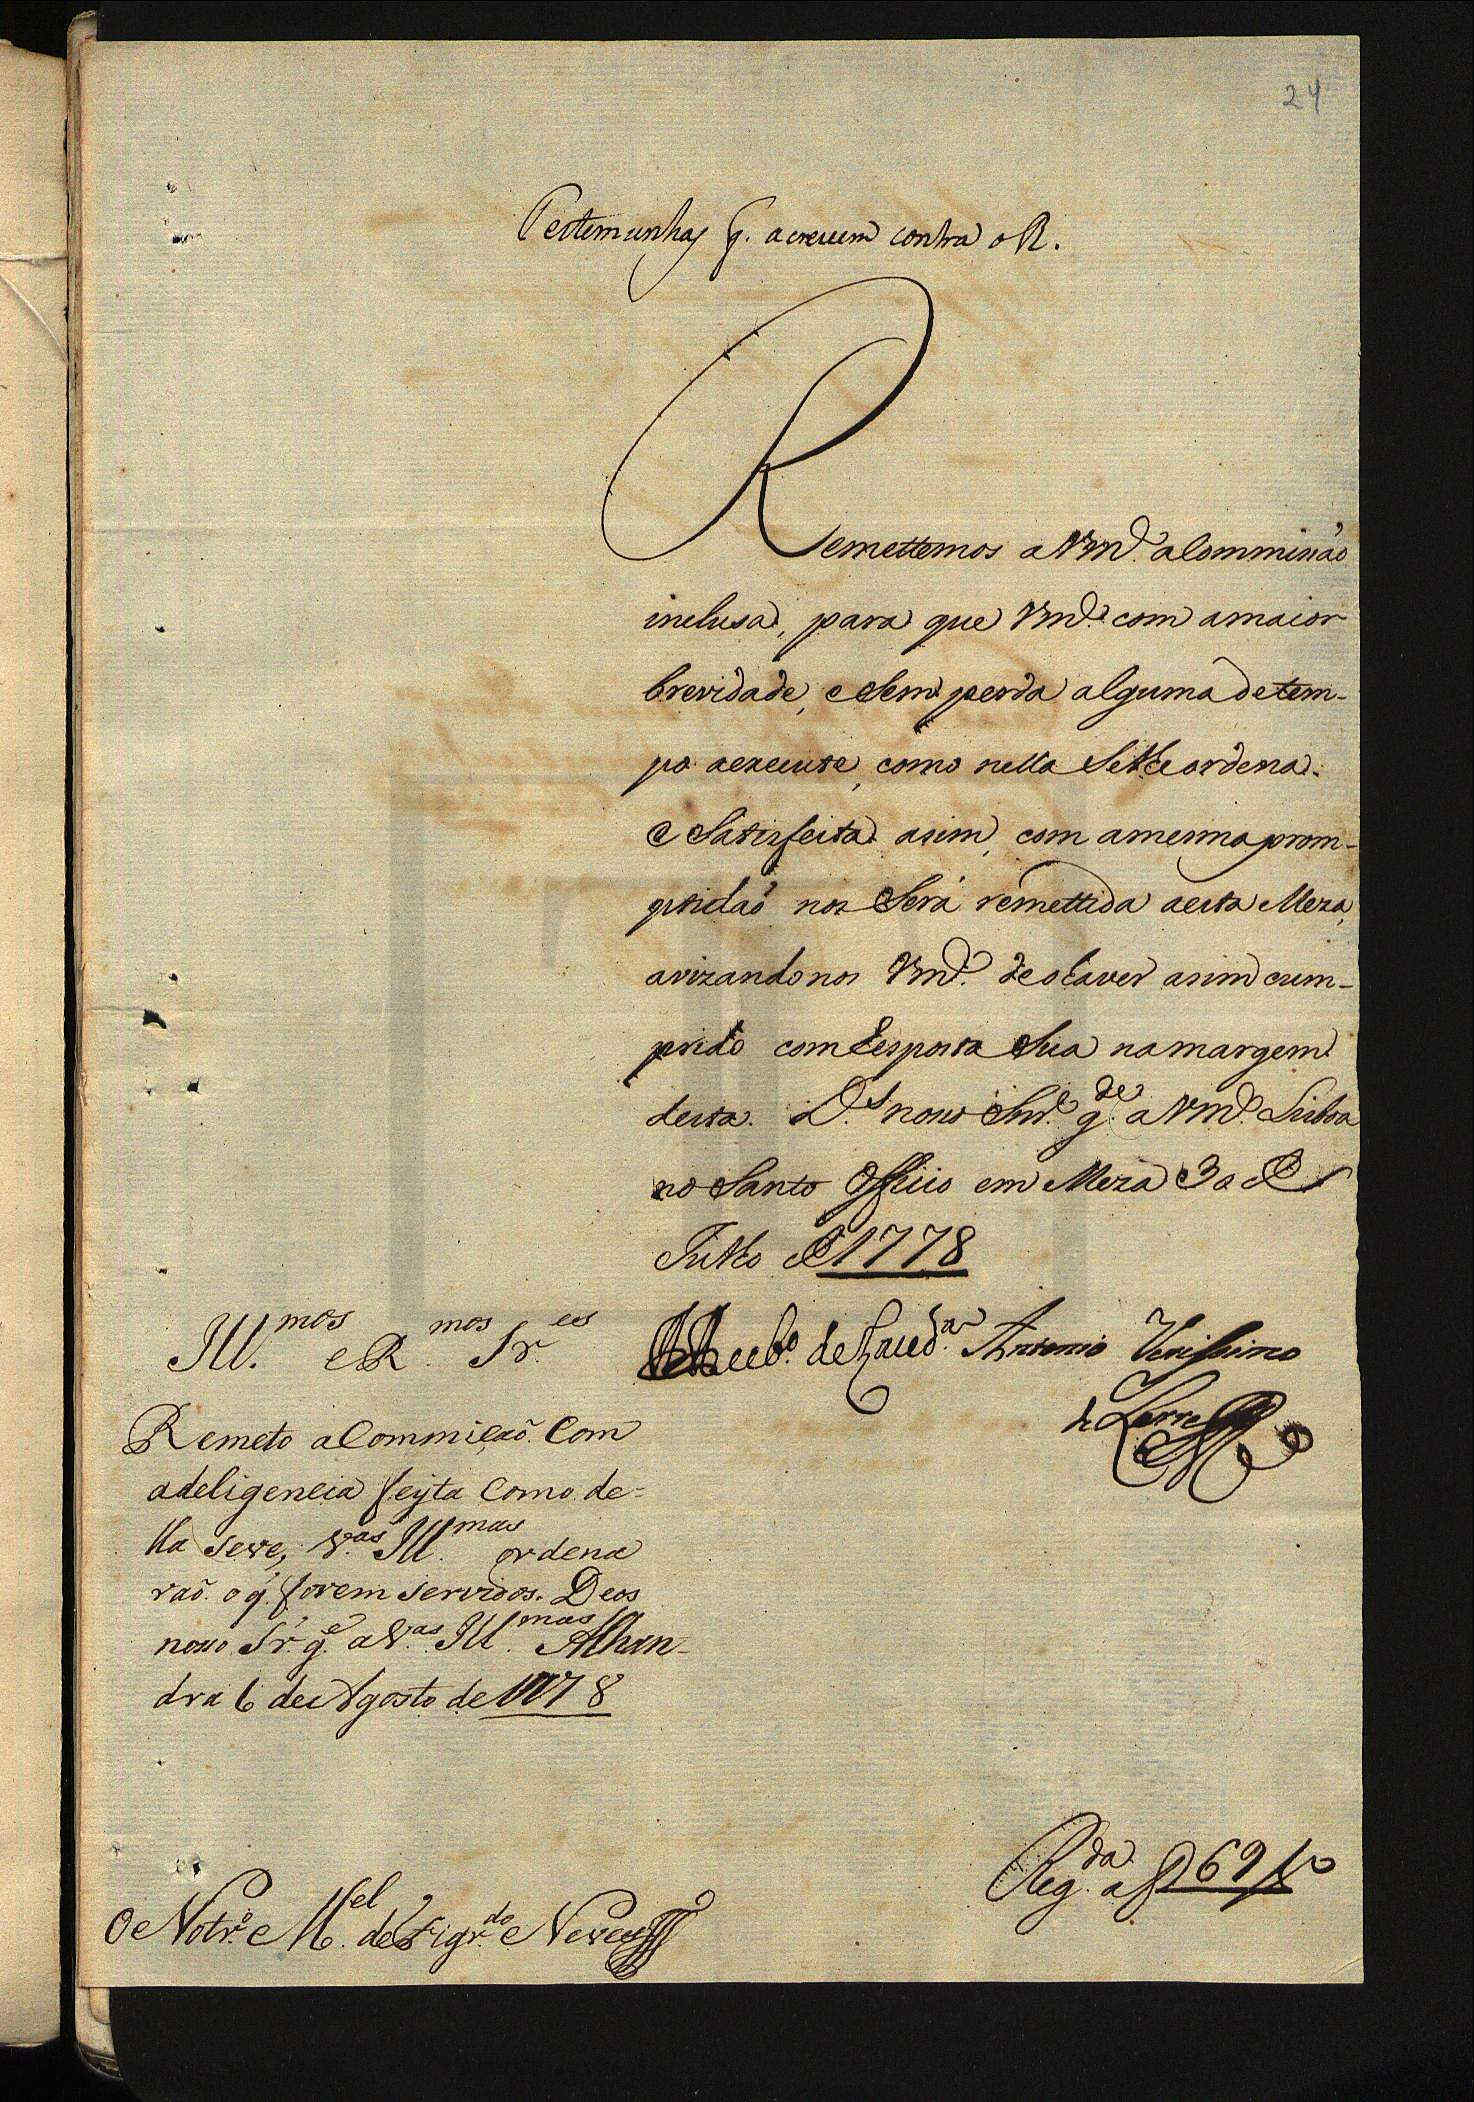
Testemunhas q̄ acressem contra o R.
Remettemos a Vm.e a commissão
inclusa, para que vm.e com a maior
brevidade, e sem perda alguma de tem
po a execute, como nella Se lhe ordena.
e Satisfeita asim com a mesma prom
ptidaõ nos Será remettida a esta Meza,
avizandonos Vm.e de o haver asim cum
prido com Resposta Sua na margem
desta. D.s nosso Snr̄. g.de a VM.e Lisboa
no Santo Officio em Meza 30 d̄
Iulho d̄ 1778
Antonio Verissimo
Ill.mos e Rmos Sr.es
de Larre
Remeto a Commiçaõ com
a deligencia feyta como de
lla se ve, V.as Ill.mas ordena
raõ o q̄ forem servidos. Deos
nosso Sr̄ g.e a V.a Ill.mas Alhan
dra 6 de Agosto de 1778
Reg.da a fl69 vo
O Notr.o M.el de Figr.do Neves
